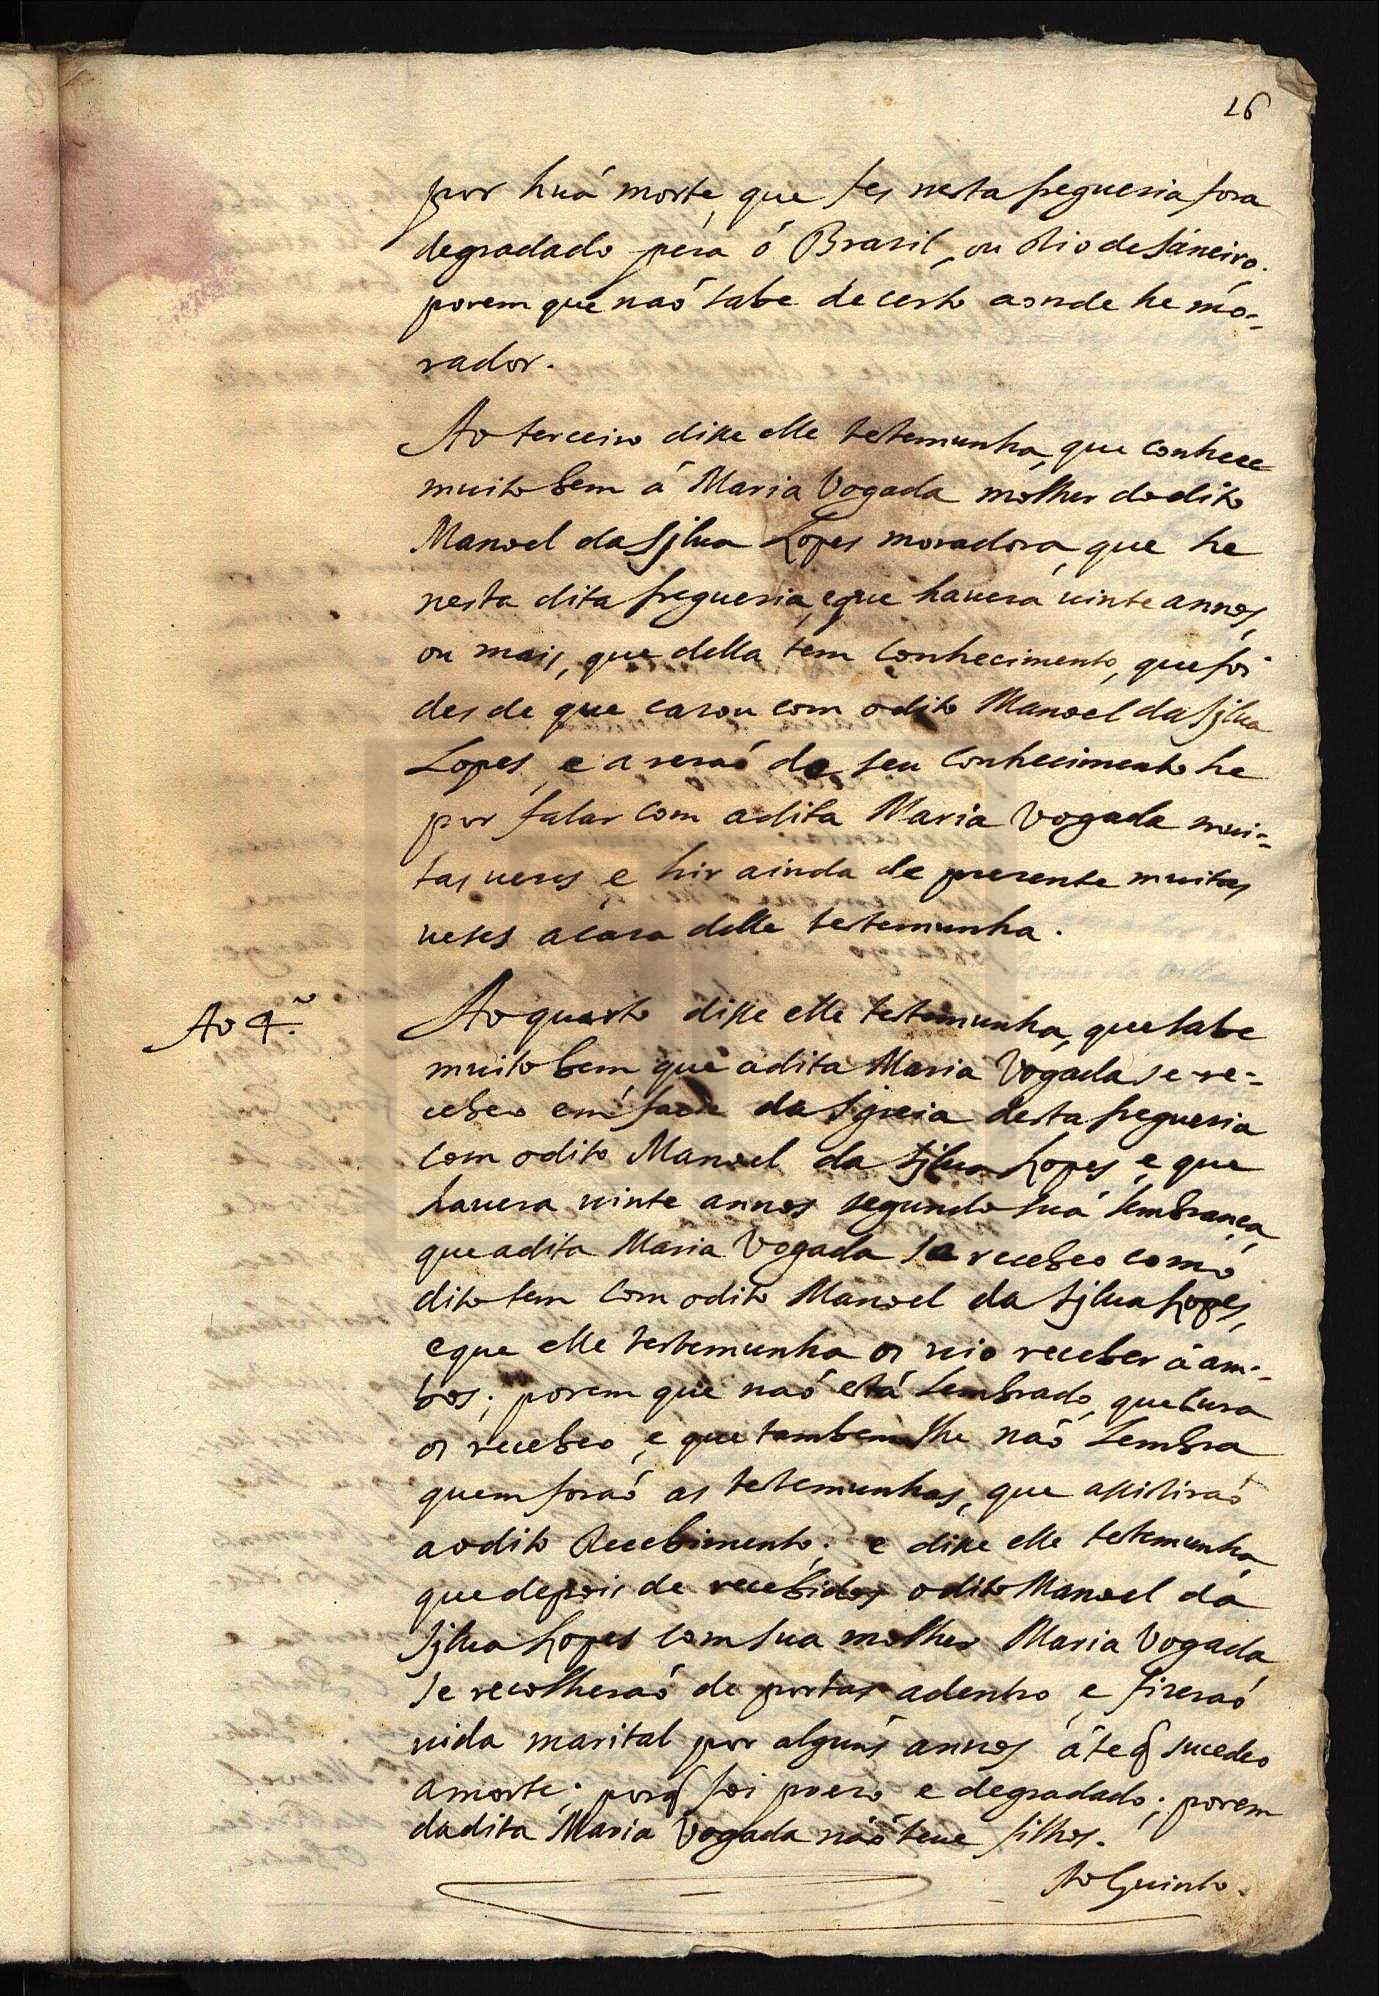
Ao 4.o
por huā morte, que fes nesta freguezia fora
degradado pera o Brazil, ou Rio de Ianeiro.
porem que naõ sabe de certo aonde he mo
rador.
Ao terceiro disse elle testemunha, que conhece
muito bem á Maria Vogada molher do dito
Manoel da Sjlua Lopes moradora que he
nesta dita freguezia, e que hauera uinte annos,
ou mais, que della tem conhecimento, que foi
desde que cazou com o dito Manoel da Sjlua
Lopes, e a rezaõ de seu conhecimento he
por falar com a dita Maria Vogada mui
tas uezes, e hir ainda de prezente muitas
ueses a caza delle testemunha.
Ao quarto disse elle testemunha, que sabe
muito bem, que a dita Maria Vogada se re
cebeo em face da Igreia desta freguezia
com o dito Manoel da Sjlua Lopes, e que
hauera uinte annos segundo sua lembrança,
que a dita Maria Vogada se recebeo com o
dito tem com o dito Manoel da Sjlua Lopes,
e que elle testemunha os uio receber á am
bos; porem que naõ está lembrado, que Cura
os recebeo, e que tambem lhe naõ lembra
quem foraõ as testemunhas, que assistiraõ
ao dito Recebimento; e disse elle testemunha,
que depois de recebidos o dito Manoel da
Sjlua Lopes com sua molher Maria Vogada
se recolheraõ de portas adentro, e fizeraõ
uida marital por alguns annos ate q̄ sucedeo
a morte; porq̄ foi prezo, e degradado; porem
da dita Maria Vogada naõ teue filhos.
Ao Quinto
